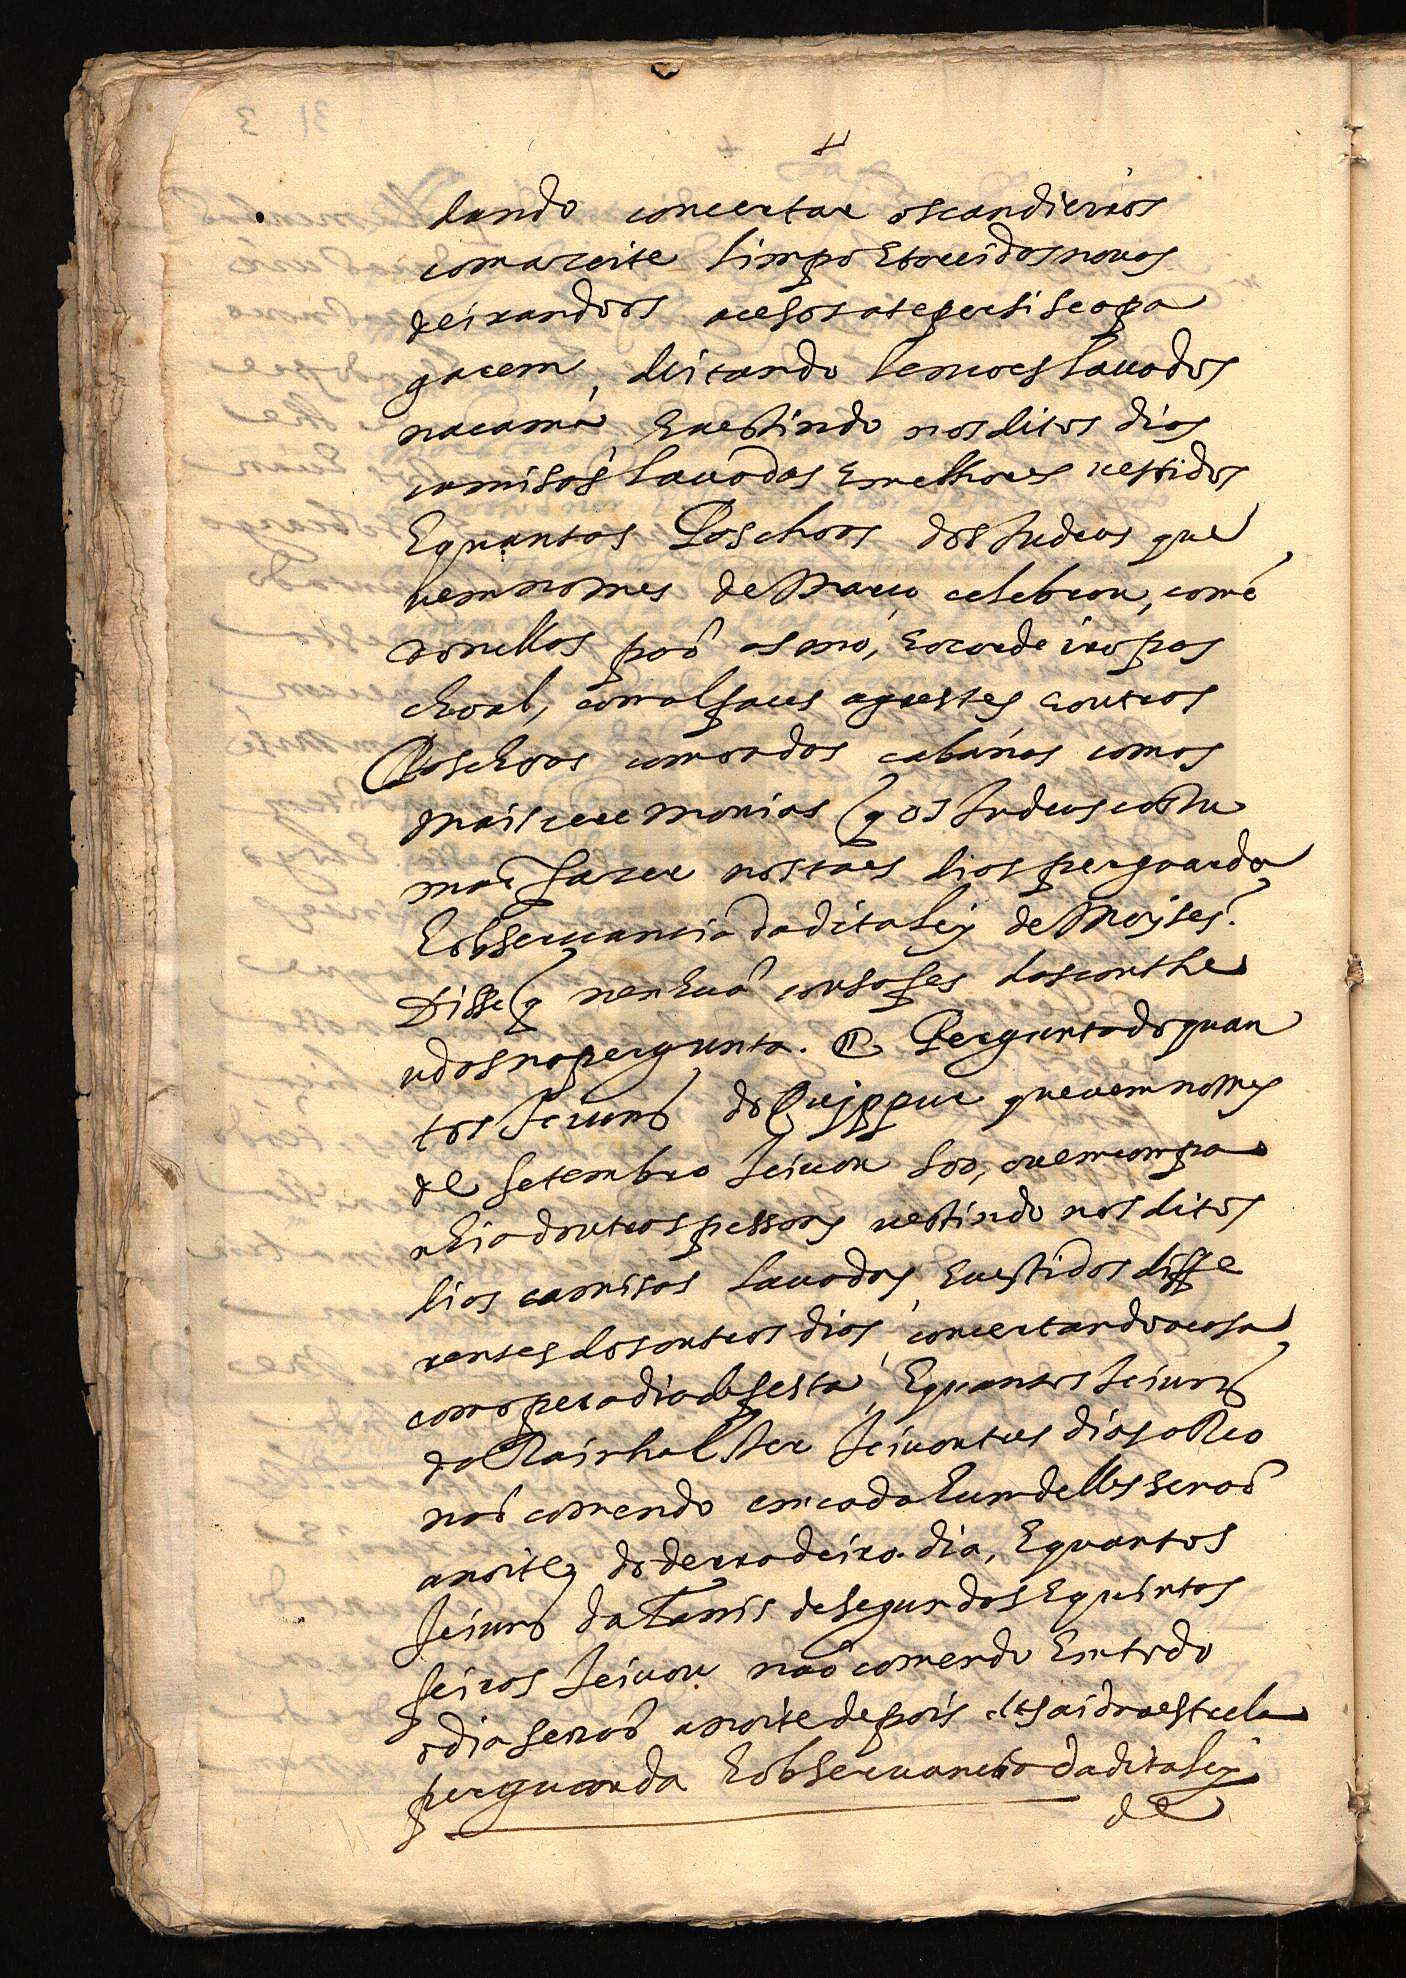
dando concertar os candieiros
com azeite limpo E torcidas nouas
deixandoos acesos ate per si se apa
garem, deitando lencoes lauados
na cama E uestindo nos ditos dias
camisas lauadas E melhores uestidos
E quantas Paschoas dos Iudeos que
uem no mes de Março celebrou, comē
do nellas paõ asmo, e o cordeiro pas
choal, com alfaces agrestes, E outras
Paschoas como a das cabanas com as
mais ceremonias q̄ os Iudeos costu
maõ fazer nos taes dias per goarda
E obseruancia da dita Ley de Moyses?
Disse q̄ nenhuā cousa fes das conthe
udas na pergunta. ¶ Perguntado quan
tos Ieiuns do Qujppur que uem no mes
de Setembro Ieiuou soo, ou em compa
nhia doutras pessoas uestindo nos ditos
dias camisas lauadas, E uestidos diffe
resntes dos outros dias, concertando a casa
como pera dia de festa, E quantos Ieiuns
da Rainha Ester Ieiuou tres dias o Reo
naõ comendo em cada hum delles senaõ
a noite do derradeiro dia, E quantos
Jeiuns da Tanis de segundas E quintas
feiras Ieiuou naõ comento Em todo
o dia senaõ a noite depois de saida a estrela
per guarda E obseruancia da dita Ley
de
